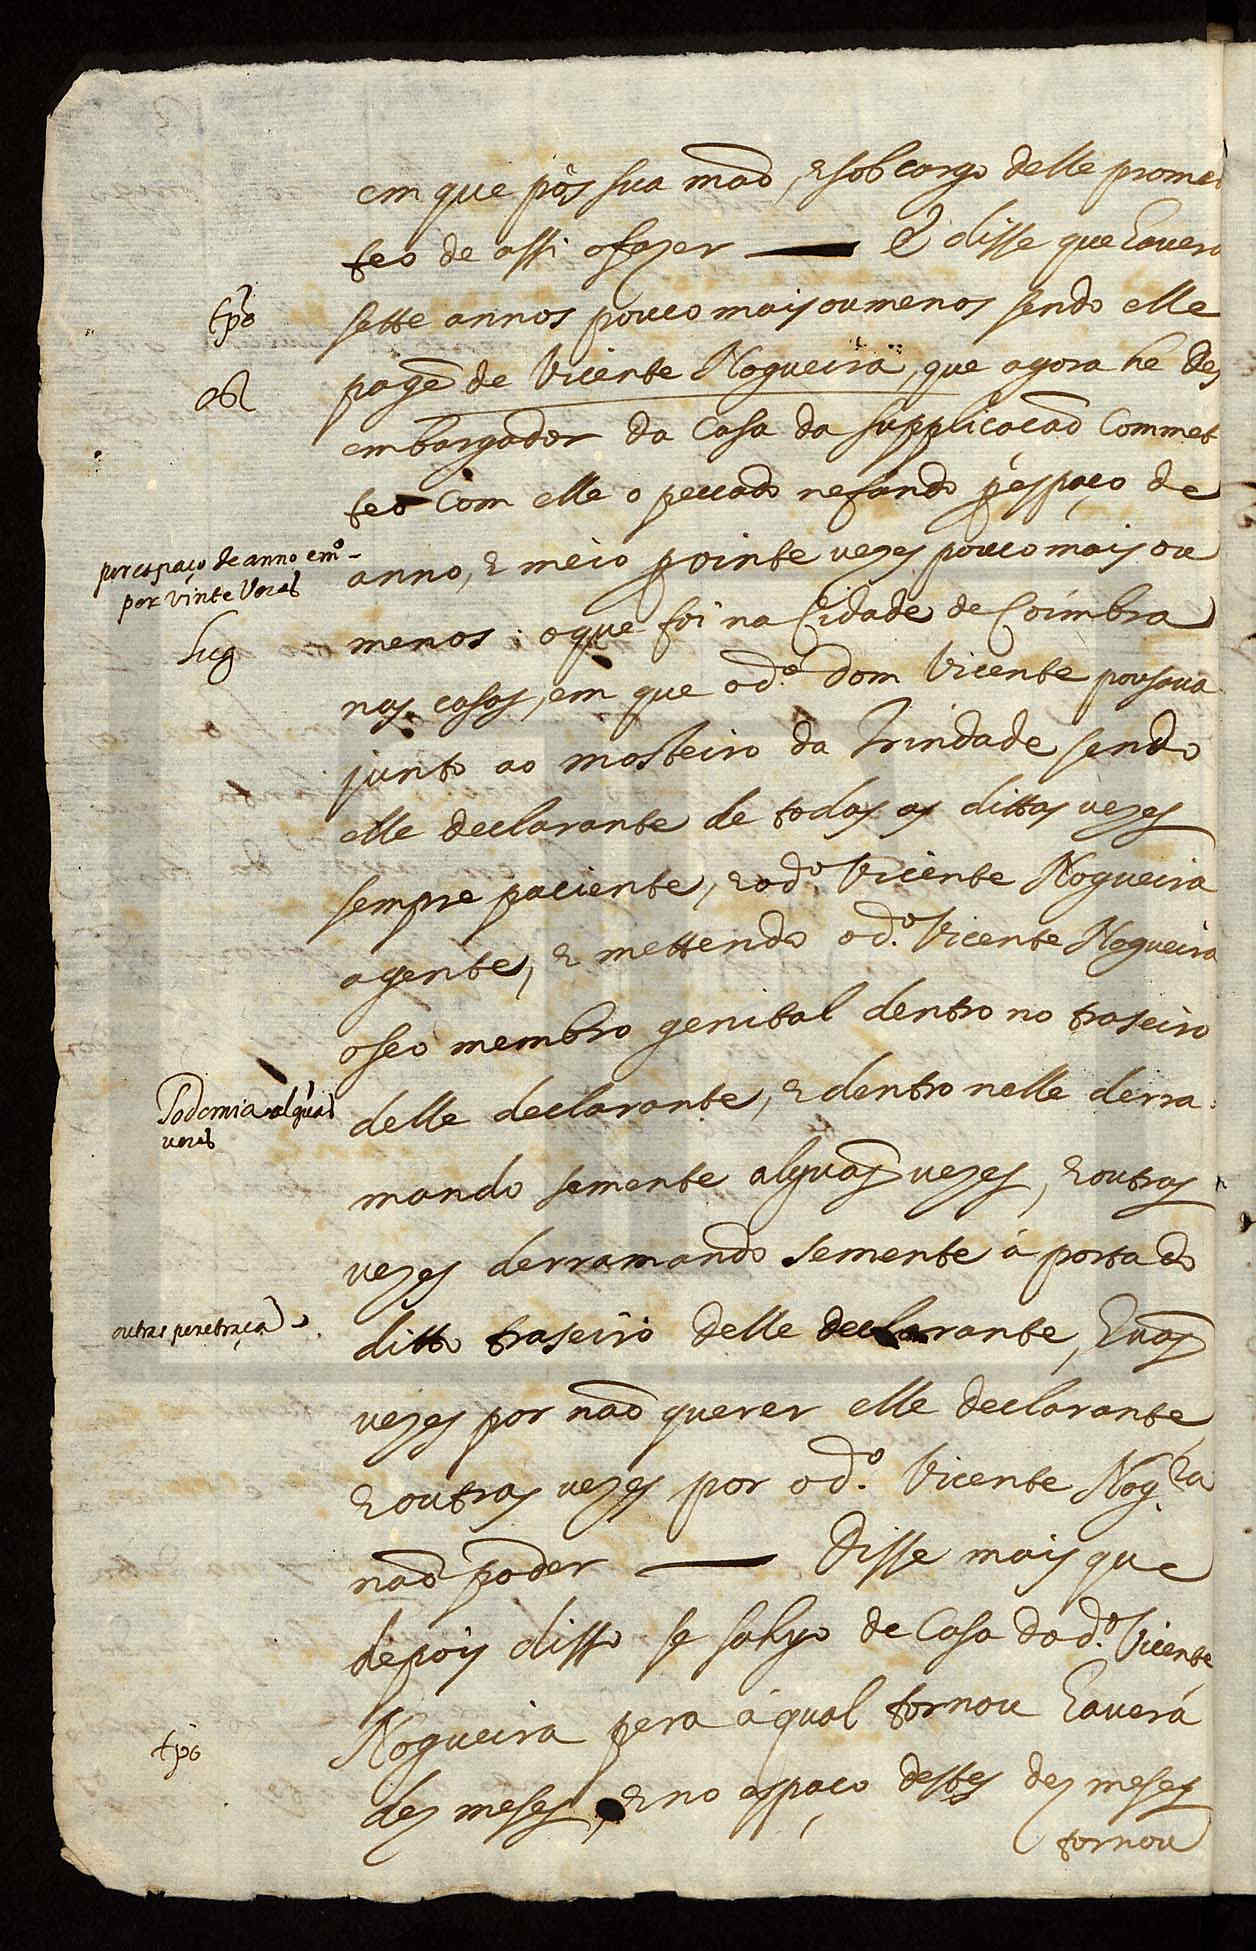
em que pôs sua mão, e sob cargo delle prome
teo de assi o fazer — e disse que havera
sette annos pouco mais ou menos sendo elle
pagē de Vicente Nogueira, que agora he De
embargador da Casa da Supplicação commet
teo com elle o peccado nefando o perpaço de
anno, e meio p̄ vinte vezes pouco mais ou
menos; o que foi na Cidade de Coimbra
nas Casas, em que o d.o dom Vicente pousava
junto ao mosteiro da Trindade, sendo
elle declarante de todas as dittas vezes
sempre paciente, e o d.o Vicente Nogueira
agente, e mettendo o d.o Vicente Nogueira
o seo membro genital dentro no traseiro
delle declarante, e dentro nelle derra-
mando semente alguās vezes, e outras
vezes derramando semente á porta do
ditto traseiro delle declarante huãs
vezes por não querer elle declarante
e outras vezes, por o d.o Vicente Nogueira
não poder — Disse mais que
depois disso se sahyo de casa do d.º Vicente
Nogueira pera à qual tornou haverá
dez meses e no espaço destes dez meses
tornou
